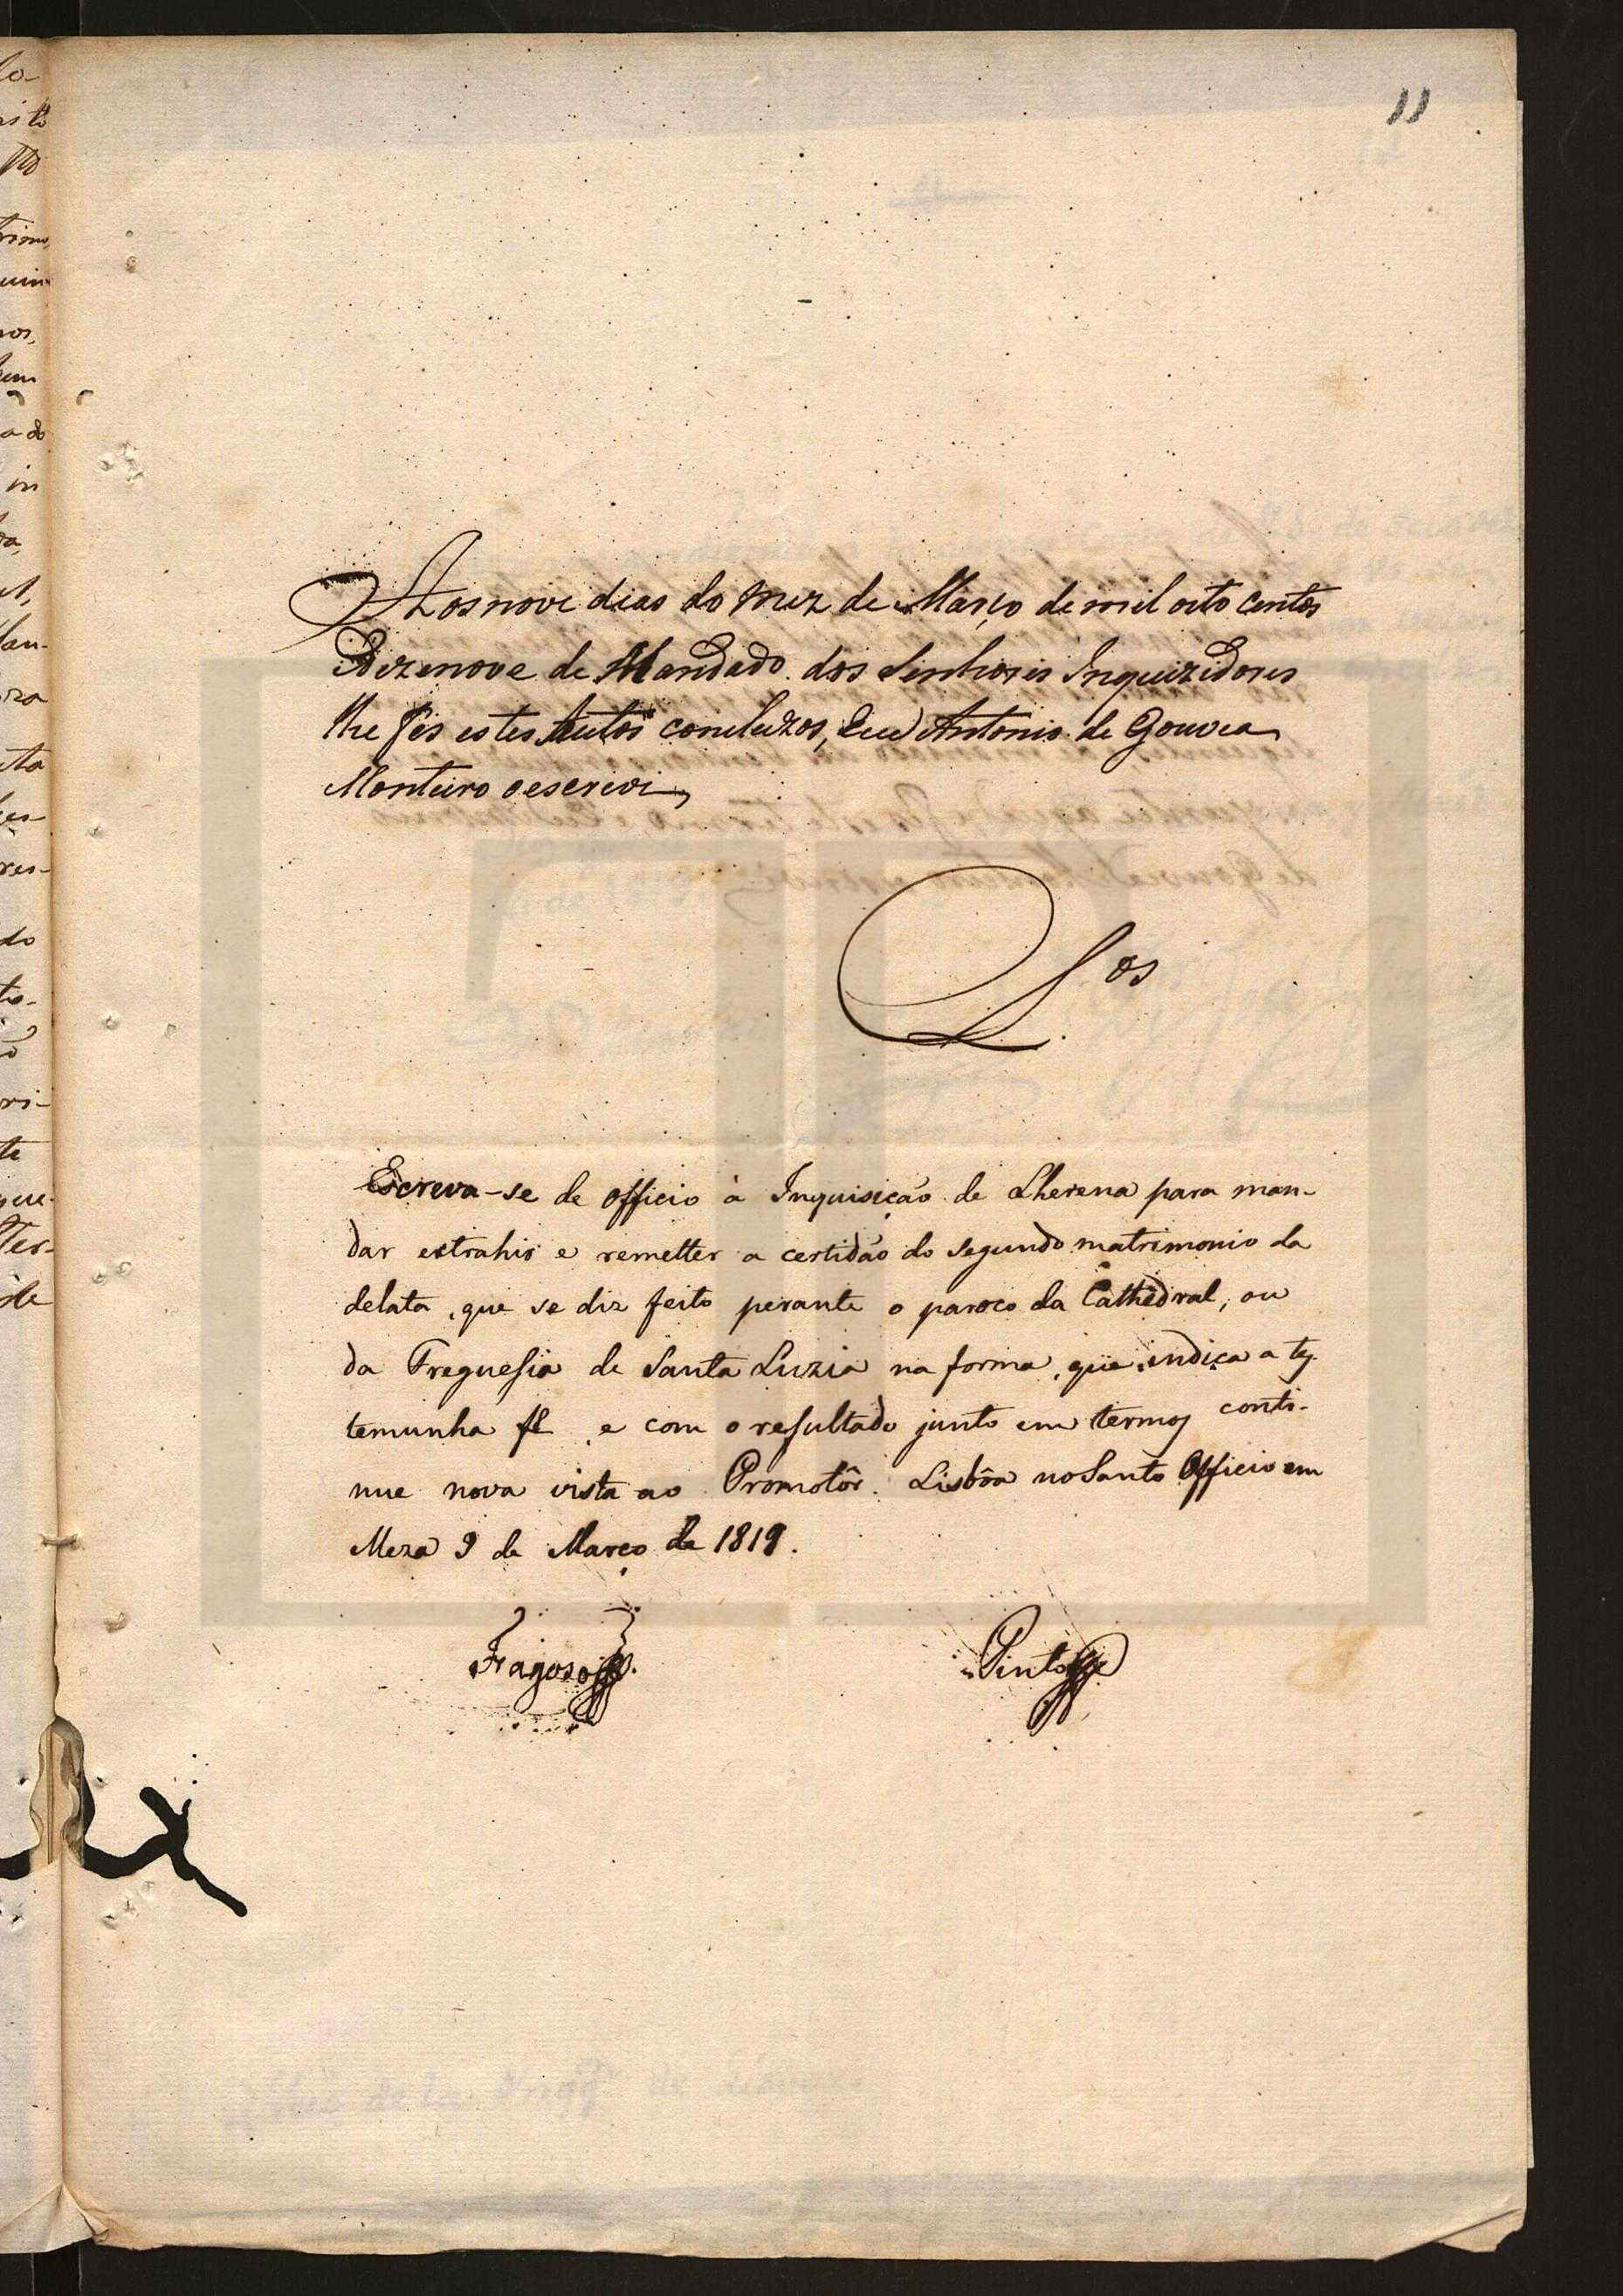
Aos nove dias do mez de Março de mil oitocentos
Dezenove de Mandado dos Senhores Inquizidores
lhe fis estes Autos concluzos, E eu Antonio de Gouvea
Monteiro o escrivi
CL.os
Escreva-se de officio à Inquisiçaõ de Lherena para man
dar extrahir e remetter a certidaõ do segundo matrimonio da
delata, que se diz feito perante o paroco da Cathedral, ou
da Freguesia de Santa Luzia na forma, que indica a tes
temunha fl, e com o resultado junto em termos conti
nue nova vista ao Promotôr. Lisboa no Santo Officio em
Meza 9 de Março de 1819.
Pinto
Fragoso
